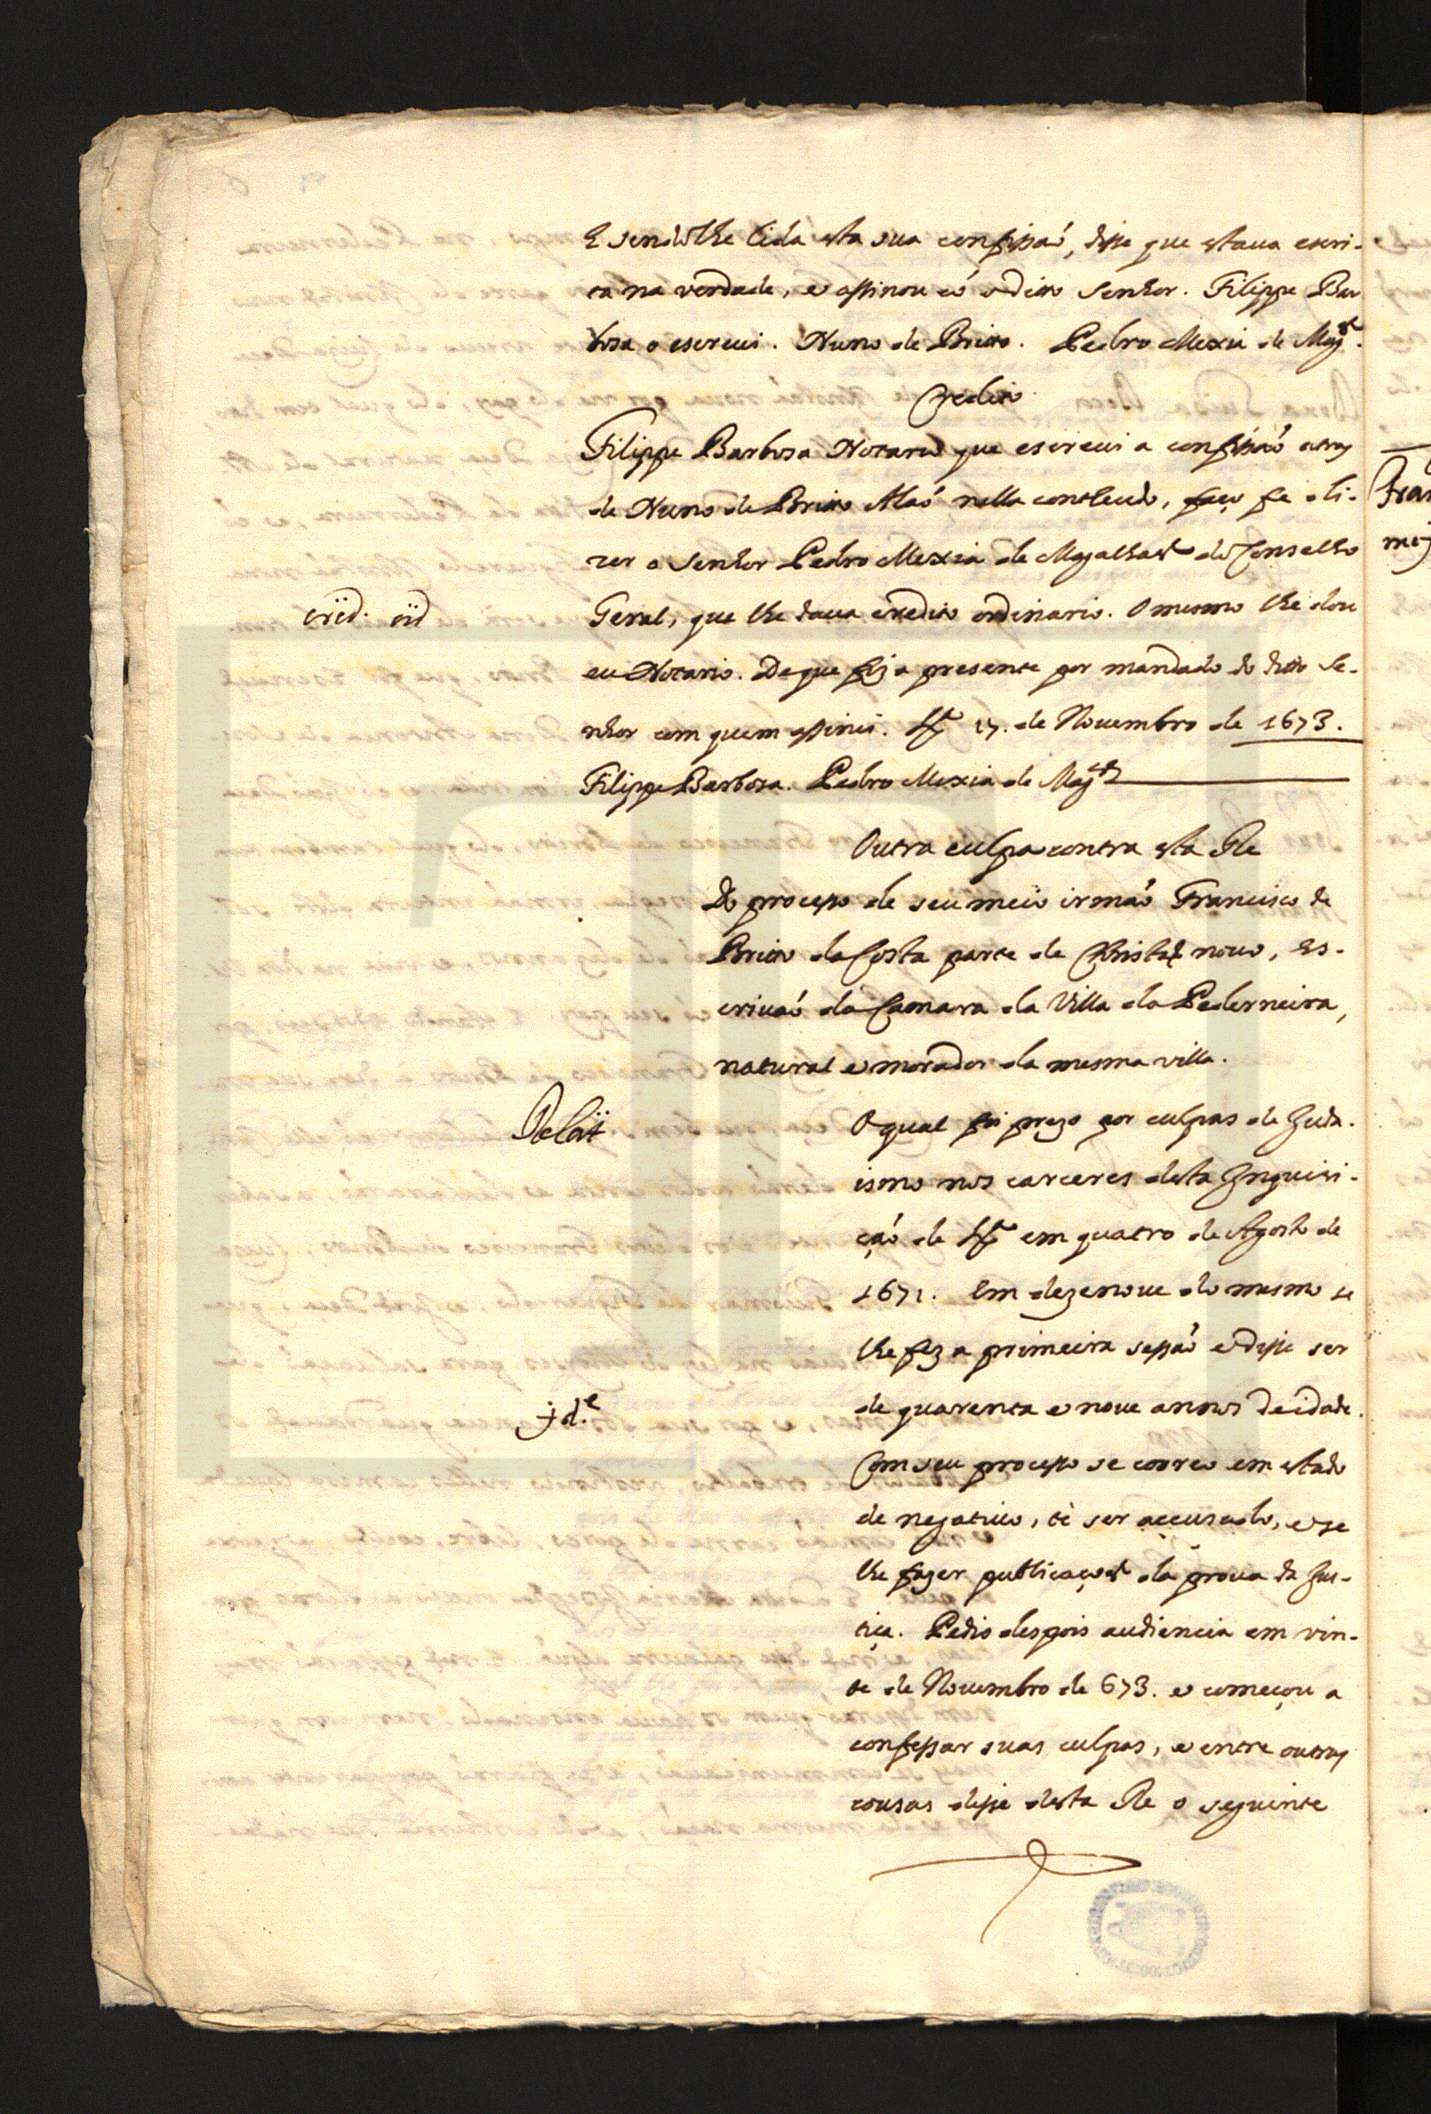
e sendo lhe lida esta confissaõ, disse que estaua escri
ta na verdade, e assinou cō o ditto Senhor. Filippe Bar
bosa o escrevi. Nuno de Britto. Pedro Mexia de Mag.s
Credito
Filippe Barbosa notario que escreui a confissaõ atras
de Nuno de Britto Alaõ nella contheudo, faço fe di
zer o Senhor Pedro Mexia de Magalhaes do Conselho
Geral, que lhe daua credito ordinario. O mesmo lhe dou
eu Notario, De que fiz a presente por mandado do ditto se
nhor com quem assinei. Lxa 17. de Nouembro de 1673.
Filippe Barbosa. Pedro Mexia de Mages
Outra culpa contra esta Re
Do processo de seu meio irmaõ Francisco de
Britto da Costa parte de Christaõ nouo, es
criuaõ da Camara da Villa da Pederneira
natural e morador da mesma villa
O qual foi prezo por culpas de Juda
ismo nos carceres desta Jnquisi
çaõ de Lxa em quatro de Agosto de
1671. em dezenove do mesmo se
lhe fez a primeira sessaõ e disse ser
de quarenta e noue annos de idade
Com seu processo se correo em estado
de negatiuo, té ser accusado, e se
lhe fazer publicaçoes da proua da Jus
tiça. Pedio despois audiencia em vin
te de Nouembro de 673. e começou a
confessar suas culpas, e entre outras
cousas disse desta Re o seguinte
